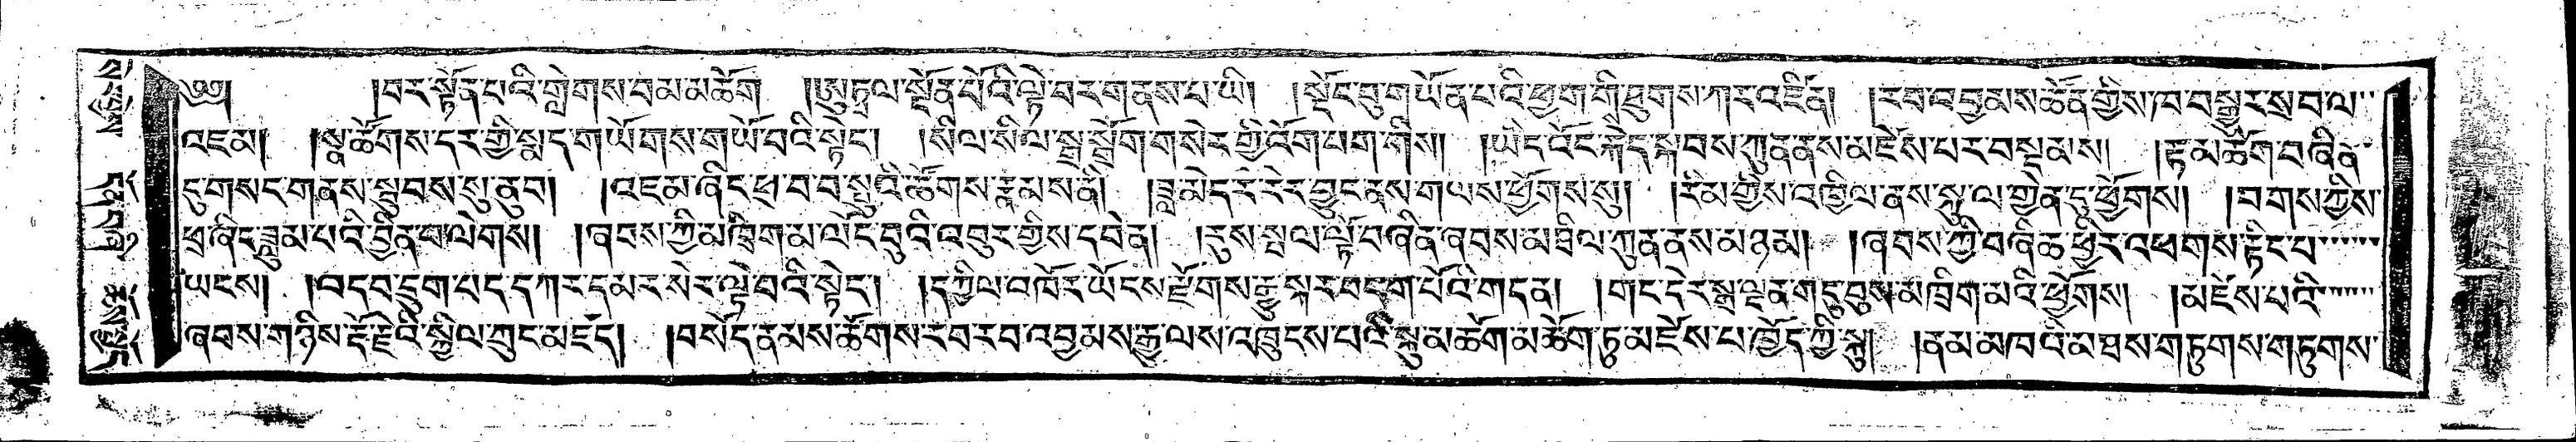༄༅། །བར་སྟོན་པའི་གླེགས་བམ་མཆོག །ཨུཏྤལ་སྔོན་པོའི་ལྟེ་བར་གནས་པ་ཡི། །སྡོང་བུ་གཡོན་པའི་ཕྱག་གིས་ཐུགས་ཀར་འཛིན། །རབ་འབྱམས་ཚོན་གྱིས་ཁ་བསྒྱུར་སྲབ་ལ་
འཇམ། །སྣ་ཚོགས་དར་གྱི་སྨད་གཡོགས་གཡོ་བའི་སྟེང་། །སིལ་སིལ་སྒྲ་སྒྲོག་གསེར་གྱི་འོག་པག་གིས། །ཡིད་འོང་རྐེད་སྐབས་ཀུན་ནས་མཛེས་པར་བསྡམས། །རྟ་མཆོག་བཞིན་
དུ་གསང་གནས་སྦུབས་སུ་ནུབ། །འཇམ་ཞིང་ཕྲ་བ་བ་སྤུའི་ཚོགས་རྣམས་ནི། །ཟླ་མེད་རེ་རེར་བྱུང་ནས་གཡས་ཕྱོགས་སུ། །རིམ་གྱིས་འཁྱིལ་ནས་སྐུ་ལ་གྱེན་དུ་ཕྱོགས། །བགས་ཀྱིས་
ཕྲ་ཞིང་ཟླུམ་པའི་བྱིན་པ་ལེགས། །ཞབས་ཀྱི་མཁྲིག་མ་ལོང་བུའི་འབུར་གྱིས་དབེན། །རུས་སྤལ་ལྟོ་བཞིན་ཞབས་མཐིལ་ཀུན་ནས་མཉམ། །ཞབས་ཀྱི་བཞི་ཆ་ཕྱིར་འཕགས་རྟིང་པ་
ཡངས། །བདབ་དྲུག་པད་དཀར་དམར་སེར་ལྟེ་བའི་སྟེང་། །དཀྱིལ་འཁོར་ཡོངས་རྫོགས་རྒྱུ་སྐར་བདག་པོའི་གདན། །གང་དེར་སྒྲ་ལྡན་གདུ་བུས་མཁྲིག་མའི་ཕྱོགས། །མཛེས་པའི་
ཞབས་གཉིས་རྡོ་རྗེའི་སྐྱིལ་ཀྲུང་མཛད། །བསོད་ནམས་ཚོགས་རབ་རབ་འབྱམས་རྒྱུ་ལས་འཁྲུངས་པའི་སྐུ་མཆོག་མཆོག་ཏུ་མཛེས་པ་ཁྱོད་ཀྱི་སྐུ། །ནམ་མཁའི་མཐས་གཏུགས་གཏུགས་